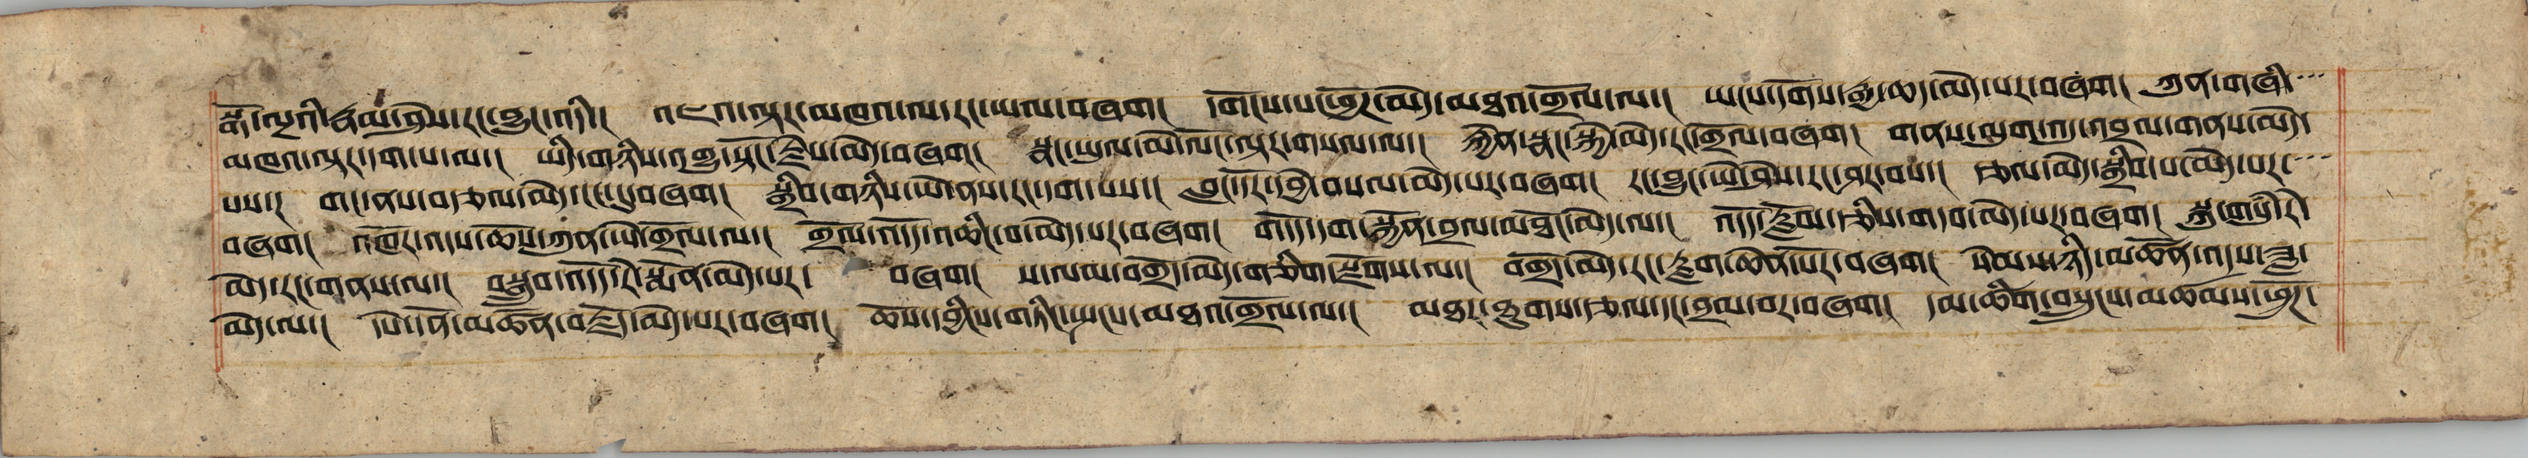སྒོ་ལྔའི་རྣམ་ཤེས་རང་བྱུང་འདི་། འཇའ་ལྟར་མཁའ་ལ་རང་ཡལ་བཞག། དགོངས་པ་ཕྱོཌ་མེད་མཐའ་གྲོལ་ལ་། ཡངས་དགོས་རྒྱ་ཆད་མེད་པར་བཞག། ཀུན་གཞི་
མཁའ་ལྟར་དག་པ་ལ་། ཡིད་གཉིས་འགྱུ་སྟོང་རྗེས་མེད་བཞག། སྣང་ཡུལ་མེ་ལོང་ལྟར་གསལ་ལ་། རྐྱེན་སྣང་སྐྱེ་མེད་རང་གྲོལ་བཞག། གནས་ལུག་འདུ་འབྲལ་གནས་མེད་
པས་། གང་ནས་བརྩལ་མེད་ངང་དུ་བཞག། སྒྲིབ་གཉིས་ཡེ་ནས་རང་དག་པས་། བླང་དོར་དབྱེ་བསལ་མེད་པར་བཞག། རང་བྱུང་ཡེ་ཤེས་རང་ཤར་བས་། རྩལ་མེད་སྒྲིབ་པ་མེད་པར་
བཞག། འཁོར་འདས་ཆོས་ཀུན་ཡེ་གྲོལ་ལ་། གྲོལ་འདོད་འཆིང་བ་མེད་པར་བཞག། གདོད་དག་སྐྱོན་བྲལ་མཐོང་མེད་ལ་། འདོད་རློམ་དཙིས་གདབ་མེད་པར་བཞག། སྐུ་གསུཾ་རེ་
མེད་རང་གནས་ལ་། བསྒྲུབ་འདོད་རེ་སྨོན་མེད་པར་ བཞག། ས་ལམ་བགྲོད་མེད་གཅིག་སྫོགས་ལ་། བགྲོད་མེད་རང་རླག་ཆེན་པོར་བཞག། སེམས་ཉིད་མཚོན་འདས་ཟླ་
མེད་ལ་། དཔེ་དོན་མཚོན་བརྗོད་མེད་པར་བཞག། ཆཽས་དབྱིངས་གཏིང་སྤངས་མཐའ་གྲོལ་ལ་། མཐར་ཐུགས་རྩལ་དང་བྲལ་བར་བཞག། དམ་ཚིག་བསྲུངས་མཚམས་ཕྱོཌ་